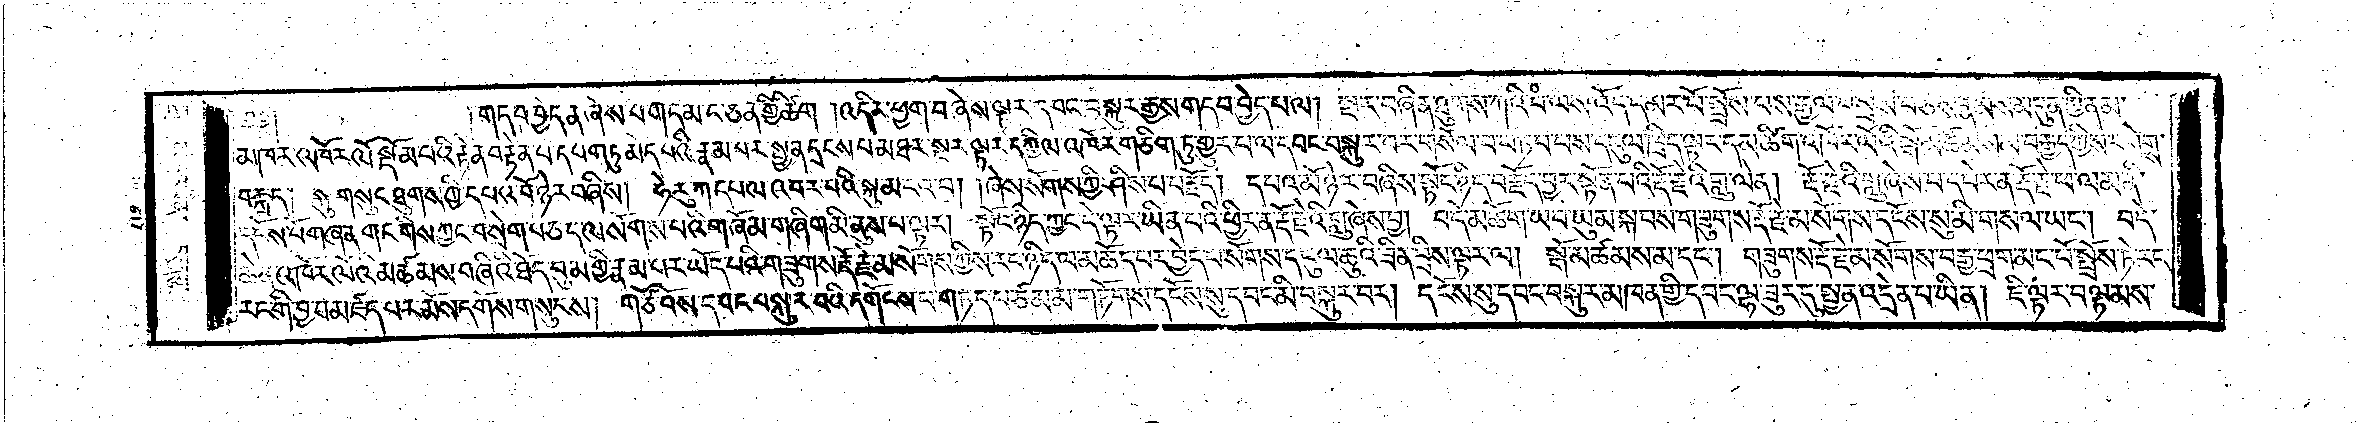༄༅། །གདབ་བྱེད་ན་ཞེས་པ་གདམ་ང་ཅན་གྱི་ཚིག །འདིར་ཕྱག་བཞེས་ལྟར་དབང་བསྐུར་རྒྱས་གདབ་བྱེད་པ་ལ། སྔར་བཞིན་ཐུགས་ཀའི་བཾ་ལས་འོད་དམར་པོ་སྤྲོས་པས་རྒྱལ་བ་སྲས་བཅས་རྣམས་མདུན་གྱི་ནམ་
མཁར་འཁོར་ལོ་སྡོམ་པའི་རྟེན་བརྟེན་པ་དཔག་ཏུ་མེད་པའི་རྣམ་པར་སྤྱན་དྲངས་པ་མཐར་སྔར་ལྟར་དཀྱིལ་འཁོར་གཅིག་ཏུ་གྱུར་པ་ལ་དབང་བསྐུར་བར་གསོལ་བ་བཏབ་པས་དངུལ་ཁྲིད་ལྟར་དམ་ཚིག་འཁོར་ལོའི་སྒོ་མཚམས་མ་བརྒྱད་ཀྱིས་བགེགས་
བསྐྲད། སྐུ་གསུང་ཐུགས་ཀྱི་དཔའ་བོ་ཉེར་བཞིས། ཧེ་རུ་ཀ་དཔལ་འབར་བའི་སྐུ་མངའ་བ། །ཞེས་སོགས་ཀྱི་ཤིས་པ་བརྗོད། དཔའ་མོ་ཉེར་བཞིས་སྟོང་ཉིད་བརྗོད་བྱར་སྟོན་པའི་རྡོ་རྗེའི་གླུ་ལེན། རྡོ་རྗེའི་གྲུ་ཞེས་པ་དཔེར་ན་རྡོ་རྗེ་ཕ་ལམ་ནི་
དངོས་པོ་གཞན་གང་གིས་ཀྱང་བསྲེག་བཅད་ལ་སོགས་པའི་གཞོམ་གཞིག་མི་ནུས་པ་ལྟར། སྟོང་ཉིད་ཀྱང་དེ་ལྟར་ཡིན་པའི་ཕྱིར་ན་རྡོ་རྗེའི་གླུ་ཞེས་བྱ། བདེ་མཆོག་ཡབ་ཡུམ་སྐབས་གཟུགས་རྡོ་རྗེ་མ་སོགས་དངོས་སུ་མི་གསལ་ཡང་། བདེ་
ཆེན་འཁོར་ལོའི་མཚམས་བཞིའི་ཐོད་བུམ་གྱི་རྣམ་པར་ཡོད་པའི་གཟུགས་རྡོ་རྗེ་མ་སོགས་ཀྱིས་རང་ཉིད་ལ་མཆོད་པར་བྱེད་པ་སོགས་དངུལ་ཆུའི་ཟིན་བྲིས་ལྟར་ལ། སྒོ་མཚམས་མ་དང་། གཟུགས་རྡོ་རྗེ་མ་སོགས་བརྒྱ་ཕྲག་མང་པོ་སྤྲོས་ཏེ་རང་
རང་གི་བྱ་བ་མཛད་པར་མོས་དགོས་གསུངས། གཙོ་བོས་དབང་བསྐུར་བའི་དགོངས་པ་གཏད་པ་ཙམ་མ་གཏོགས་དངོས་སུ་དབང་མི་བསྐུར་བར། དངོས་སུ་དབང་བསྐུར་མཁན་གྱི་དབང་ལྷ་ཟུར་དུ་སྤྱན་འདྲེན་པ་ཡིན། ཇི་ལྟར་བལྟམས་